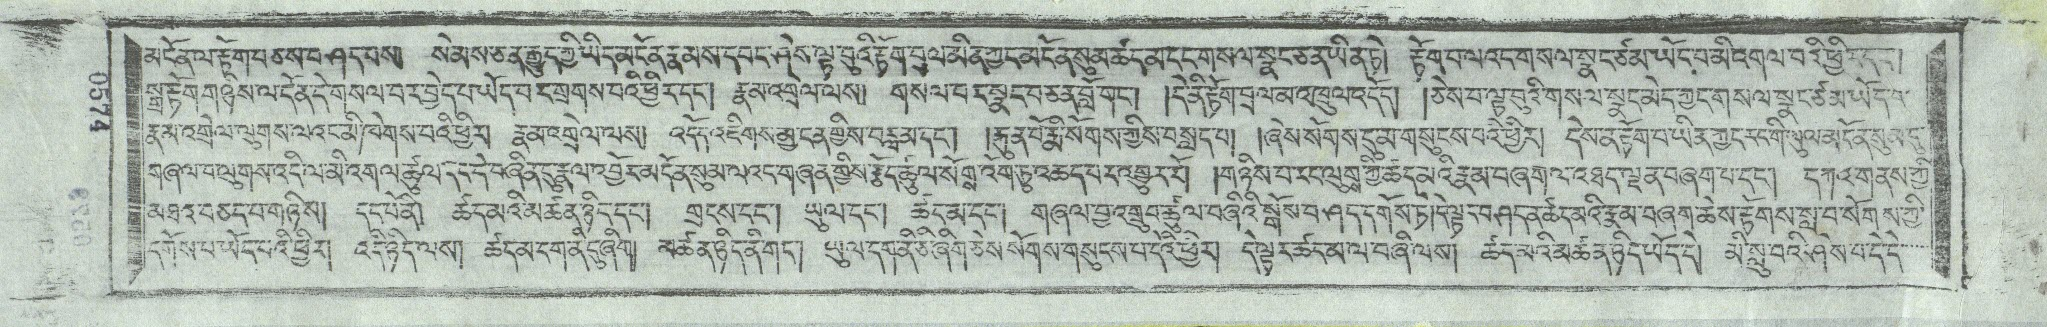མངོན་ལ་རྟོག་བཅས་བཤད་བས། སེམས་ཅན་རྒྱུད་ཀྱི་ཡིད་མངོན་རྣམས་དབང་ཤེས་ལྟ་བུའི་རྟོག་བྲལ་མིན་ཀྱང་མངོན་སུམ་ཚད་མ་དང་གསལ་སྣང་ཅན་ཡིན་ཏེ། རྟོག་པ་ལའང་གསལ་སྣང་ཙམ་ཡོད་པ་མི་འགལ་བའི་ཕྱིར་དང་།
སྒྲ་རྟོག་གཉིས་ལ་དོན་དེ་གསལ་བར་བྱེད་པ་ཡོད་པར་གྲགས་པའི་ཕྱིར་དང་། རྣམ་འགྲེལ་ལས། གསལ་བར་སྣང་བ་ཅན་བློ་གང་། །དེ་ནི་རྟོག་བྲལ་མ་འཁྲུལ་འདོད། །ཅེས་པ་ལྟ་བུའི་གསལ་སྣང་མེད་ཀྱང་གསལ་སྣང་ཙམ་ཡོད་པ་
རྣམ་འགྲེལ་ལུགས་ལའང་མི་ཁེགས་པའི་ཕྱིར། རྣམ་འགྲེལ་ལས། འདོད་འཇིགས་མྱ་ངན་གྱིས་བརླམ་དང་། །རྐུན་པོ་རྨི་སོགས་ཀྱིས་བསླད་པ། །ཞེས་སོགས་དུ་མ་གསུངས་པའི་ཕྱིར། དེས་ན་རྟོག་པ་ཡིན་ཀྱང་རང་གི་ཡུལ་མངོན་སུམ་དུ་
གཞལ་བ་ལུགས་འདི་ལ་མི་འགལ་ཚུལ་དང་དེ་བཞིན་དུ་རྣལ་འབྱོར་མངོན་སུམ་ལའང་གཞན་གྱིས་རྩོད་ཚུལ་སོགས་འོག་ཏུ་འཆད་པར་འགྱུར་རོ། །གཉིས་པ་རང་ལུགས་ཀྱི་ཚད་མའི་རྣམ་བཞག་ལ་འཐད་ལྡན་བཞག་པ་དང་། དཀའ་གནས་ཀྱི་
མཐའ་བཅད་པ་གཉིས། དང་པོ་ནི། ཚད་མའི་མཚན་ཉིད་དང་། གྲངས་དང་། ཡུལ་དང་། ཚད་མ་དང་། གཞལ་བྱ་འགྲུབ་ཚུལ་བཞིའི་སྒོས་བཤད་དགོས་ཏེ། དེ་ལྟར་བཤད་ན་ཚད་མའི་རྣམ་བཞག་ཆེས་རྟོགས་སླ་བ་སོགས་ཀྱི་
དགོས་པ་ཡོད་པའི་ཕྱིར། འདི་ཉིད་ལས། ཚད་མ་དག་ནི་དུ་ཞིག། མཚན་ཉིད་ནི་གང་། ཡུལ་དག་ནི་ཅི་ཞིག་ཅེས་སོགས་གསུངས་པ་དེའི་ཕྱིར། དེ་ལྟར་ཚད་མ་ལ་བཞི་ལས། ཚད་མའི་མཚན་ཉིད་ཡོད་དེ། མི་སླུ་བའི་ཤེས་པ་དེ་དེ་